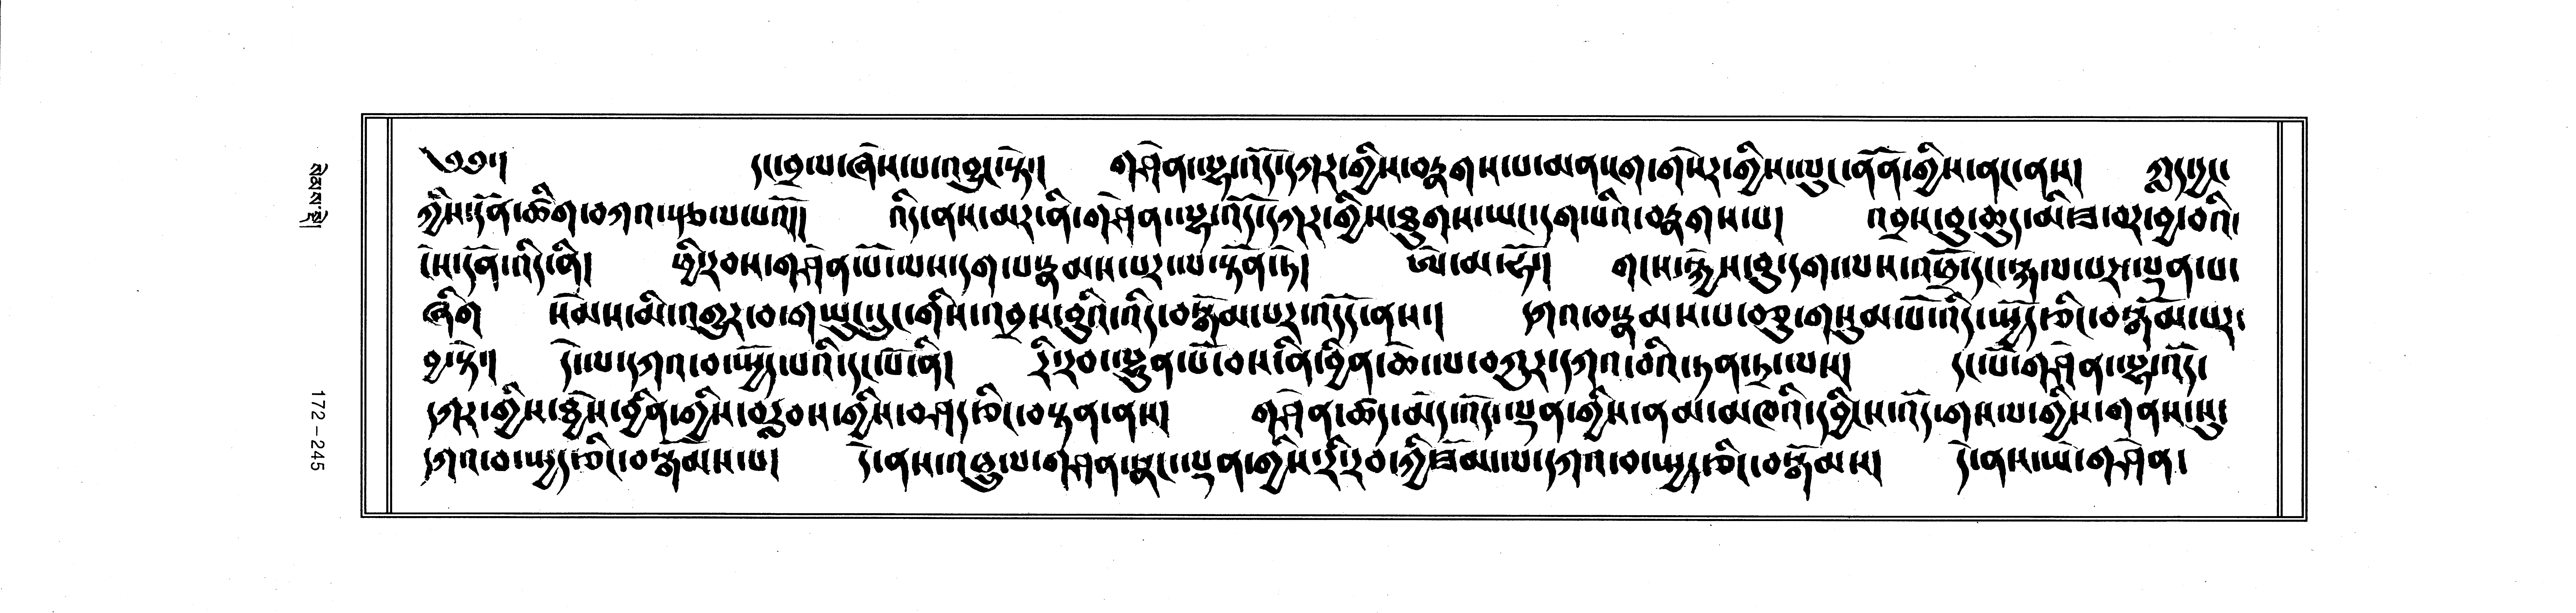དང་བྲལ་ཞེས་པ་འབྱུང་སྟེ། གཤེན་ལྷ་འོད་དཀར་གྱིས་བརྣགས་པ་མན་ངག་གསེར་གྱིས་ལུང་ནོན་གྱིས་ནང་ནས། ཀླད་རྒྱང་
ཀྱིས་དོན་ཚིག་བཀའ་སྩལ་པའོ། འདི་ནས་མར་ནི་གཤེན་ལྷ་འོད་དཀར་གྱིས་ཐུགས་ཡང་དག་པའི་བརྣག་པ། འབྲས་བུ་ཆུད་མི་ཟ་བར་བྱ་བའི་
ངེས་དོན་འདི་ནི། ལ་སྟོན་ཏེ། ཨེ་མ་ཧོ། གངས་སྐྱེས་བུ་དག་ལས་འཕྲོ་དང་སྐལ་པར་ལྡན་པ་
ཞིག སེམས་མི་འགྱུར་བ་གཡུང་དྲུང་གི་འབྲས་བུའི་འདི་བསྒོམ་པར་འདོད་ནས། དཀའ་བ་རྣམ་པ་བཅུ་གསུམ་པོ་འདི་སྤྱོད་ཅིང་བསྒོམ་པར་
བྱ་སྟེ། དེ་ལ་དཀའ་བ་སྤྱོད་པའི་དང་པོ་ནི། རི་རབ་ལྷུན་པོ་བས་ནི་བྱིན་ཆེ་ལ་བཀུར་དཀའ་བའི་ཏན་ཏྲ་ལས། དང་པོ་གཤེན་ལྷ་འོད་
དཀར་གྱིས་ཐུགས་རྗེ་བྱིན་གྱིས་བརླབས་གྱིས་བཤད་ཅིང་བསྟན་ནས། གཤེན་ཚད་མེད་འོད་ལྡན་གྱིས་ནམ་མཁའི་དབྱིངས་འོད་གསལ་གྱིས་གནས་སུ་
དཀའ་བ་སྤྱད་ཅིང་བསྒོམས་པ། དེ་ནས་འཕྲུལ་གཤེན་སྣང་ལྡན་གྱིས་རི་རབ་ཀྱི་ཟོམ་ལ་དཀའ་བ་སྤྱད་ཅིང་བསྒོམས། དེ་ནས་ཡེ་གཤེན་